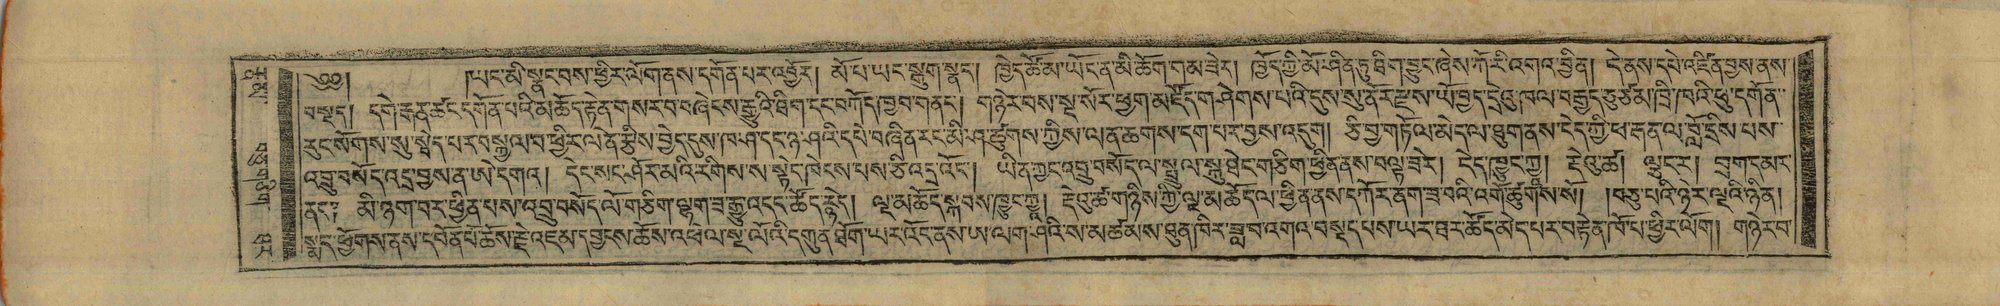༄༅། །ཡང་མི་སྣང་བས་ཕྱིར་ལོག་ནས་དགོན་པར་འབྱོར། མོ་པ་ཡང་སྒུག་སྣང་། ཁྱེད་ཚོ་མ་ཡོང་ན་མི་ཆོག་གམ་ཟེར། ཁྱོད་ཀྱི་མོ་ཤིན་ཏུ་ཐིག་བྱུང་ཞེས་ཀོ་རི་འགའ་བྱིན། དེ་ནས་དཔེ་འཛིན་བྱས་ནས་
བསྡད། དགེ་རྒན་ཚང་དགོན་པའི་མཆོད་རྟེན་གསར་བ་བཞེངས་རྒྱུའི་ཐིག་དང་བཀོད་ཁྱབ་གནང་། གཉེར་བས་སྔ་སོར་ཕྱག་མཛོད་གཤེགས་པའི་དུས་སུ་ནོར་རྫས་ཡོ་བྱད་དྲེའུ་ཁལ་བརྒྱད་ཅུ་ཙམ་ཁྲི་ཁའི་ཕུ་དགོན་
རུང་སོགས་སུ་སྦེད་པར་བསྐྱལ་བ་ཕྱིར་ལེན་རྩིས་བྱེད་དུས་ཁ་ཤ་དང་ཉ་ཤའི་དཔེ་བཞིན་རང་མི་ཤ་ཚུགས་ཀྱིས་ལན་ཆགས་དག་པར་བྱས་འདུག །ཅི་བྱ་གཏོལ་མེད་ལ་ཐུག་ནས་ངེད་ཀྱི་ཕ་རྒན་ལ་བློ་དྲིས་པས་
འབྲུ་བསོད་འདྲ་བྱས་ན་ཨེ་དགའ། དེང་སང་ཤོར་མའི་རིགས་ས་སྟེང་ཁེངས་པས་ཅི་འདྲ་འོང་། ཡིན་ཀྱང་འབྲུ་བསོད་ལ་སྤྲུལ་སྐུ་ཐེང་གཅིག་ཕྱིན་ནས་བལྟ་ཟེར། ངེད་ཁྱུང་ཀྱཱ། རྡེའུ་ཚ། ལྕང་ར། བྲག་དམར་
ནང་། མི་ཉག་བར་ཕྱིན་པས་འབྲུ་བསོད་ལོ་གཅིག་ལྷག་ཟ་རྒྱུ་འདང་ཚོད་རྙེད། ལྔ་མཆོད་སྐབས་ཁྱུང་ཀྱཱ། རྡེའུ་ཚ་གཉིས་ཀྱི་ལྔ་མཆོད་ལ་ཕྱིན་ནས་དཀོར་ནག་ཟ་བའི་འགོ་ཚུགས་སོ། །བཅུ་པའི་ཉེར་ལྔའི་ཉིན།
སྨད་ཕྱོགས་ནས་དཔོན་པོ་ཆོས་རྗེ་འཇམ་དབྱངས་ཆོས་འཕེལ་སྔ་ལོའི་དགུན་ཐོག་ཡར་འོང་ནས་ཨ་ལག་ཤའི་ས་མཚམས་ཐུན་ཁིར་ཟླ་བ་འགའ་བསྡད་པས་ཡར་ཐར་ཚོད་མེད་པར་བརྟེན་ཁོ་པ་ཕྱིར་ལོག །གཉེར་བ་